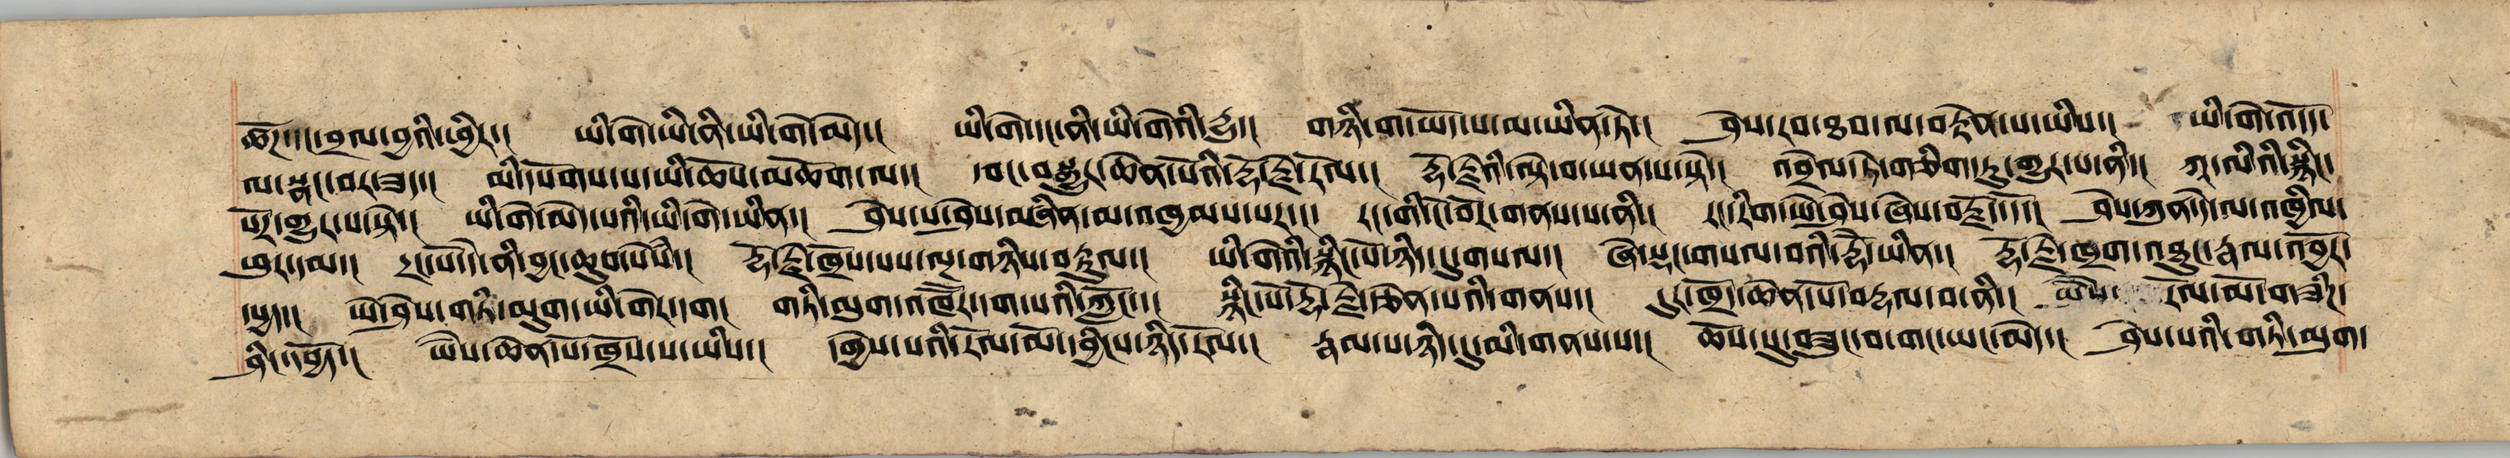ཚོཌ་དང་བྲལ་བྱའི་ཕྱིར་། ཡི་གེ་ཡི་ནི་ཡི་གེ་མེད་། ཡི་གེ་དང་ནི་ཡི་གེའི་དྱུ་། གཉི་ག་ཡོད་པ་མ་ཡིན་ཏེ་། ཤེས་རབ་ཐབ་ལ་བརྟེན་པ་ཡིས་། ཡི་གེ་འདོད་
ལ་སྣང་བར་ཟད་། མི་དཔོགས་པ་ཡི་ཆོས་མཆོག་ལ་། དབང་བསྒྱུར་ཆེན་པོའི་རྡོ་རྗེ་རོལ་། རྡོ་རྗེའི་ལྟེ་བ་ཡན་པ་སྟེ་། འབྲེལ་ཏེ་གཅིག་ཏུ་གྱུར་པ་ནི་། ཀཱ་ལིའི་སྙིང་
པོར་གྱུར་པ་སྟེ་། ཡི་གེ་མེད་པའི་ཡི་གེ་ཡིན་། ཤེས་པ་ཤེས་བཞིན་མ་འཁྱམས་པར་།་ རག་གི་ངོ་བོར་གནས་པ་ནི་། རང་རིག་ཡེ་ཤེས་ཞེས་བརྗོད་དོ་། ཤེས་ཀུན་དེ་ལ་འཁྱིལ་
ཕུར་དམ་། དྲང་པོ་དེ་ནི་བྱང་ཆུབ་སེཾས་། རྡོ་རྗེ་ཁྲོས་པས་ལྔ་གཉིས་བརྟུལ་་། ཡི་གེའི་སྙིང་པོ་ཉིད་དུ་གསལ་། ཞེ་སྡང་གསལ་བའི་རྡོེ་ཡིན་། རྡོ་རྗེ་ཁྲག་འཐུང་རྣལ་འབྱོར་
དཔྱད་། ཡེ་ཤེས་གཏི་མུག་ཡི་གེར་དག། གཏི་མུག་འཁོཽར་དག་པའི་ཀློང་། སྙིང་པོ་རྡོ་རྗེ་དཅེན་པའི་གནས་། དུར་ཁྲོད་ཆེན་པོ་བརྡལ་བ་ནི་། ཡཻས་ རོལ་མོ་གཟིཌ་
ཤིང་དཔྱོད་། ཡཻས་ཆེན་པོ་ཁྲོས་པ་ཡིས་། དགྱེས་པའི་རོལ་མོ་དབྱིངས་ཉིད་རོལ་། རྣམ་པ་ཉིད་དུ་མི་གནས་པ་། ཆོས་སུ་བཟུང་བ་གང་ཡང་མེད་། ཤེས་པའི་གཏི་མུག་